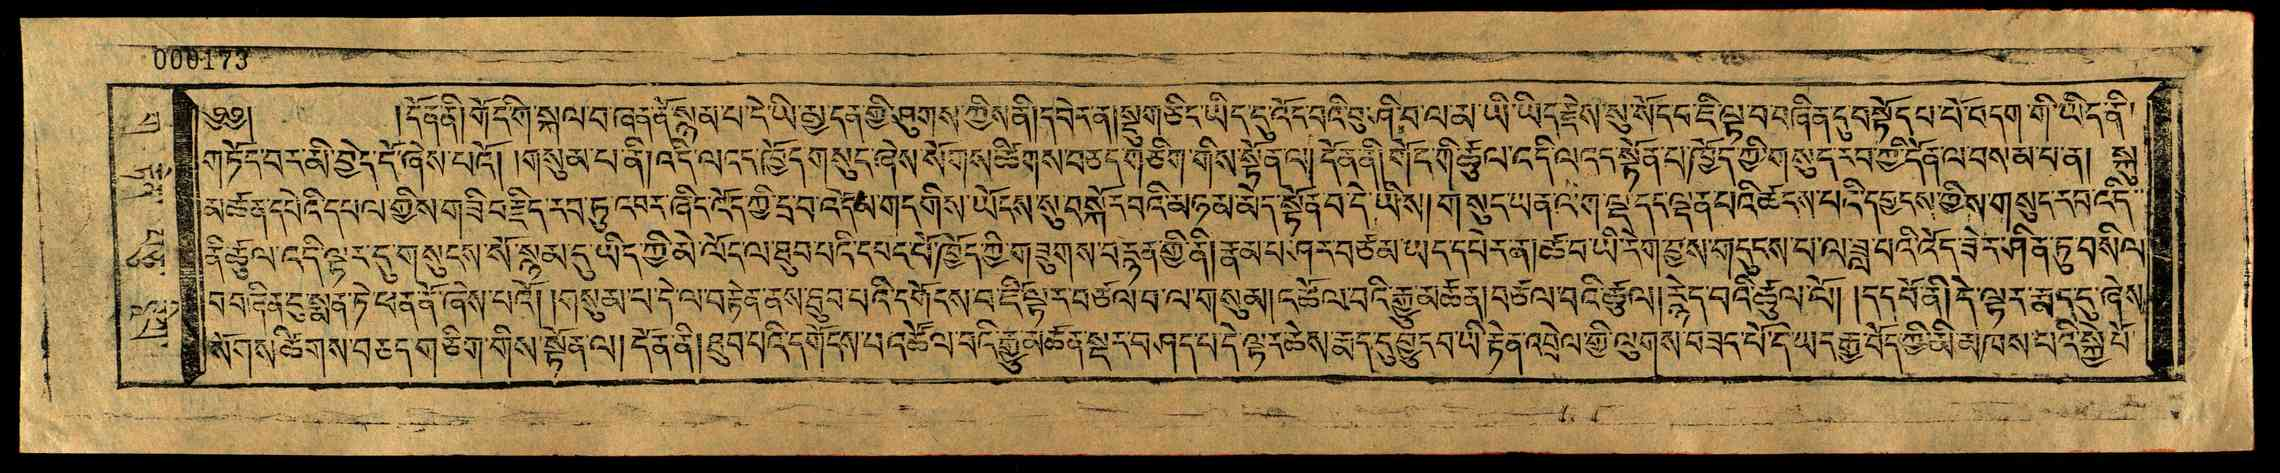༄༅། །དོན་ནི། གོང་གི་སྐལ་བ་ཞན་ནོ་སྙམ་པ་དེ་ཡི་མྱ་ངན་གྱི་ཤུགས་ཀྱིས་ནི། དཔེར་ན། སྡུག་ཅིང་ཡིད་དུ་འོང་བའི་བུ་ཤི་བ་ལ་མ་ཡི་ཡིད་རྗེས་སུ་སོང་བ་ཇི་ལྟ་བ་བཞིན་དུ་བསྟོད་པ་པོ་བདག་གི་ཡིད་ནི་
གཏོང་བར་མི་བྱེད་དོ་ཞེས་པའོ། །གསུམ་པ་ནི། འདི་ལའང་ཁྱོད་གསུང་ཞེས་སོགས་ཚིགས་བཅད་གཅིག་གིས་སྟོན་ལ། དོན་ནི། གོང་གི་ཚུལ་འདི་ལའང་སྟོན་པ་ཁྱོད་ཀྱི་གསུང་རབ་ཀྱི་དོན་ལ་བསམ་པ་ན། སྐུ་
མཚན་དཔེའི་དཔལ་གྱིས་གཟི་བརྗིད་རབ་ཏུ་འབར་ཞིང་འོད་ཀྱི་དྲ་བ་འདོམ་གང་གིས་ཡོངས་སུ་བསྐོར་བའི་མཉམ་མེད་སྟོན་པ་དེ་ཡིས། གསུང་ཡན་ལག་ལྔ་དང་ལྡན་པའི་ཚངས་པའི་དབྱངས་ཀྱིས་གསུང་རབ་འདི་
ནི་ཚུལ་འདི་ལྟར་དུ་གསུངས་སོ་སྙམ་དུ་ཡིད་ཀྱི་མེ་ལོང་ལ་ཐུབ་པའི་དབང་པོ་ཁྱོད་ཀྱི་གཟུགས་བརྙན་གྱི་ནི། རྣམ་པ་ཤར་བ་ཙམ་ཡང་དཔེར་ན། ཚ་བ་ཡི་རེག་བྱས་གདུངས་པ་ལ་ཟླ་བའི་འོད་ཟེར་ཤིན་ཏུ་བསིལ་
བ་བཞིན་དུ་སྨན་ཏེ་ཕན་ནོ་ཞེས་པའོ། །གསུམ་པ་དེ་ལ་བརྟེན་ནས་ཐུབ་པའི་དགོངས་པ་ཇི་ལྟར་བཙལ་བ་ལ་གསུམ། འཚོལ་བའི་རྒྱུ་མཚན། བཙལ་བའི་ཚུལ། རྙེད་པའི་ཚུལ་ལོ། །དང་པོ་ནི། དེ་ལྟར་རྨད་དུ་ཞེས་
སོགས་ཚིགས་བཅད་གཅིག་གིས་སྟོན་ལ། དོན་ནི། ཐུབ་པའི་དགོངས་པ་འཚོལ་བའི་རྒྱུ་མཚན་སྔར་བཤད་པ་དེ་ལྟར་ཆོས་རྨད་དུ་བྱུང་བ་ཡི་རྟེན་འབྲེལ་གྱི་ལུགས་བཟང་པོ་དེ་ཡང་རྒྱ་བོད་ཀྱི་མི་མཁས་པའི་སྐྱེ་བོ་